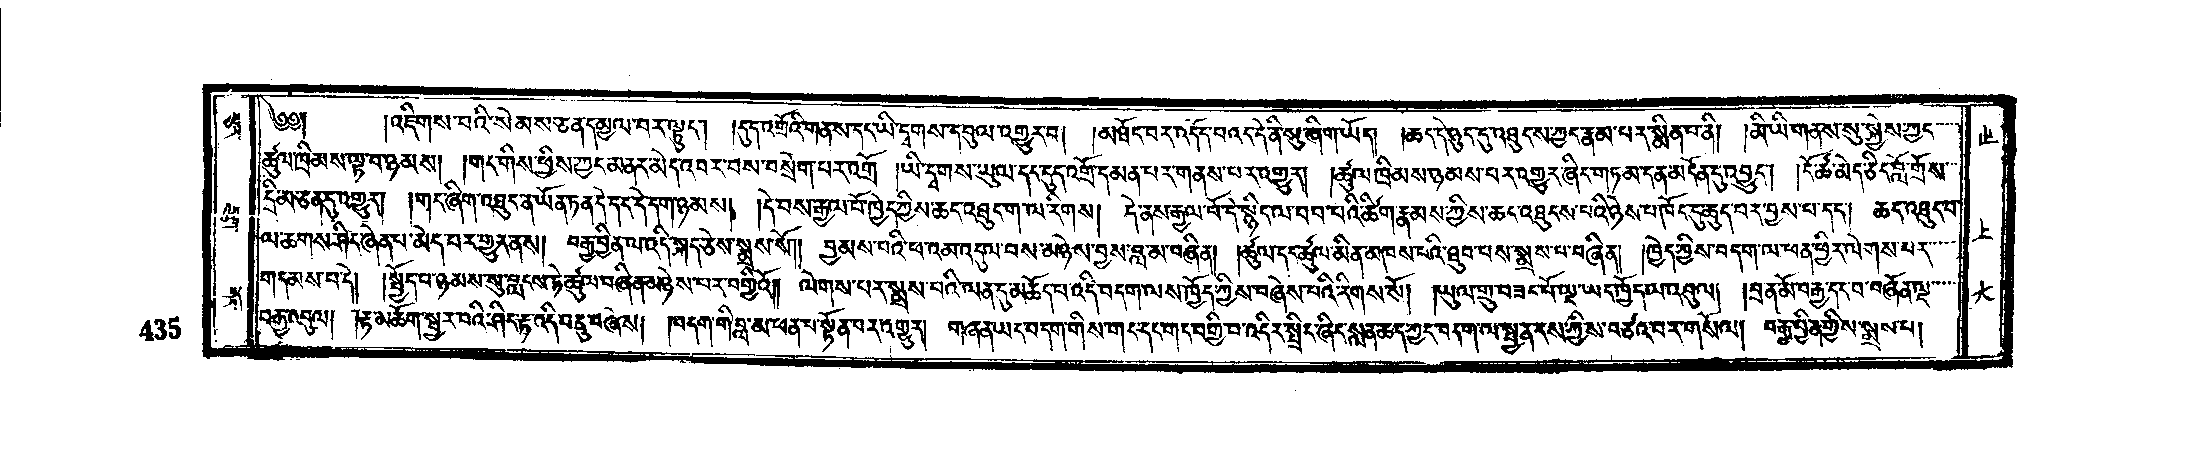༄༅། །འཇིགས་པའི་སེམས་ཅན་དམྱལ་བར་ལྟུང་། །དུད་འགྲོའི་གནས་དང་ཡི་དྭགས་དབུལ་འགྱུར་བ། །མཐོང་བར་འདོད་པའང་དེ་ནི་སུ་ཞིག་ཡོད། །ཆང་དེ་ཉུང་དུ་འཐུངས་ཀྱང་རྣམ་པར་སྨིན་པ་ནི། །མི་ཡི་གནས་སུ་སྐྱེས་ཀྱང་
ཚུལ་ཁྲིམས་ལྟ་བ་ཉམས། །གང་གིས་ཕྱིས་ཀྱང་མནར་མེད་འབར་བས་བསྲེག་པར་འགྲོ་།ཡི་དྭགས་ཡུལ་དང་དུད་འགྲོ་དམན་པར་གནས་པར་འགྱུར། །ཚུལ་ཁྲིམས་ཉམས་པར་འགྱུར་ཞིང་གཏམ་ངན་མངོན་དུ་འབྱུང་། །ངོ་ཚ་མེད་ཅིང་བློ་གྲོས་
དྲི་མ་ཅན་དུ་འགྱུར། །གང་ཞིག་འཐུང་ན་ཡོན་ཏན་དེ་དང་དེ་དག་ཉམས། །དེ་བས་རྒྱལ་པོ་ཁྱེད་ཀྱིས་ཆང་འཐུང་ག་ལ་རིགས། དེ་ནས་རྒྱལ་པོ་དེ་སྙིང་ལ་བབ་པའི་ཚིག་རྣམས་ཀྱིས་ཆང་འཐུངས་པའི་ཉེས་པ་ཁོང་དུ་ཆུད་པར་བྱས་པ་དང་། ཆང་འཐུང་བ་
ལ་ཆགས་ཤིང་ཞེན་པ་མེད་པར་གྱུར་ནས། བརྒྱ་བྱིན་ལ་འདི་སྐད་ཅེས་སྨྲས་སོ།། བྱམས་པའི་ཕ་འམ་འདུལ་བས་མཉེས་བྱས་བླ་མ་བཞིན། །ཚུལ་དང་ཚུལ་མིན་མཁས་པའི་ཐུབ་པས་སྨྲས་པ་བཞིན། །ཁྱེད་ཀྱིས་བདག་ལ་ཕན་ཕྱིར་ལེགས་པར་
གདམས་པ་དེ། །སྤྱོད་པ་ཉམས་སུ་བླངས་ཏེ་ཚུལ་བཞིན་མཉེས་པར་བགྱིའོ།། ལེགས་པར་སྨྲས་པའི་ལན་དུ་མཆོད་པ་འདི་བདག་ལས་ཁྱོད་ཀྱིས་བཞེས་པའི་རིགས་སོ། །ཡུལ་གྲུ་བཟང་པོ་ལྔ་ཡང་ཁྱོད་ལ་འབུལ། །བྲན་མོ་བརྒྱ་དང་བ་བཞོན་ལྔ་
བརྒྱ་འབུལ། །རྟ་མཆོག་སྦྱར་བའི་ཤིང་རྟ་འདི་བཅུ་བཞེས། །བདག་གི་བླ་མ་ཕན་པ་སྟོན་པར་འགྱུར། གཞན་ཡང་བདག་གིས་གང་དང་གང་བགྱི་བ་འདིར་སྤྲིང་ཞིང་སླན་ཆད་ཀྱང་བདག་ལ་སྤྱན་རས་ཀྱིས་བཙའ་བར་གསོལ། བརྒྱ་བྱིན་གྱིས་སྨྲས་པ།